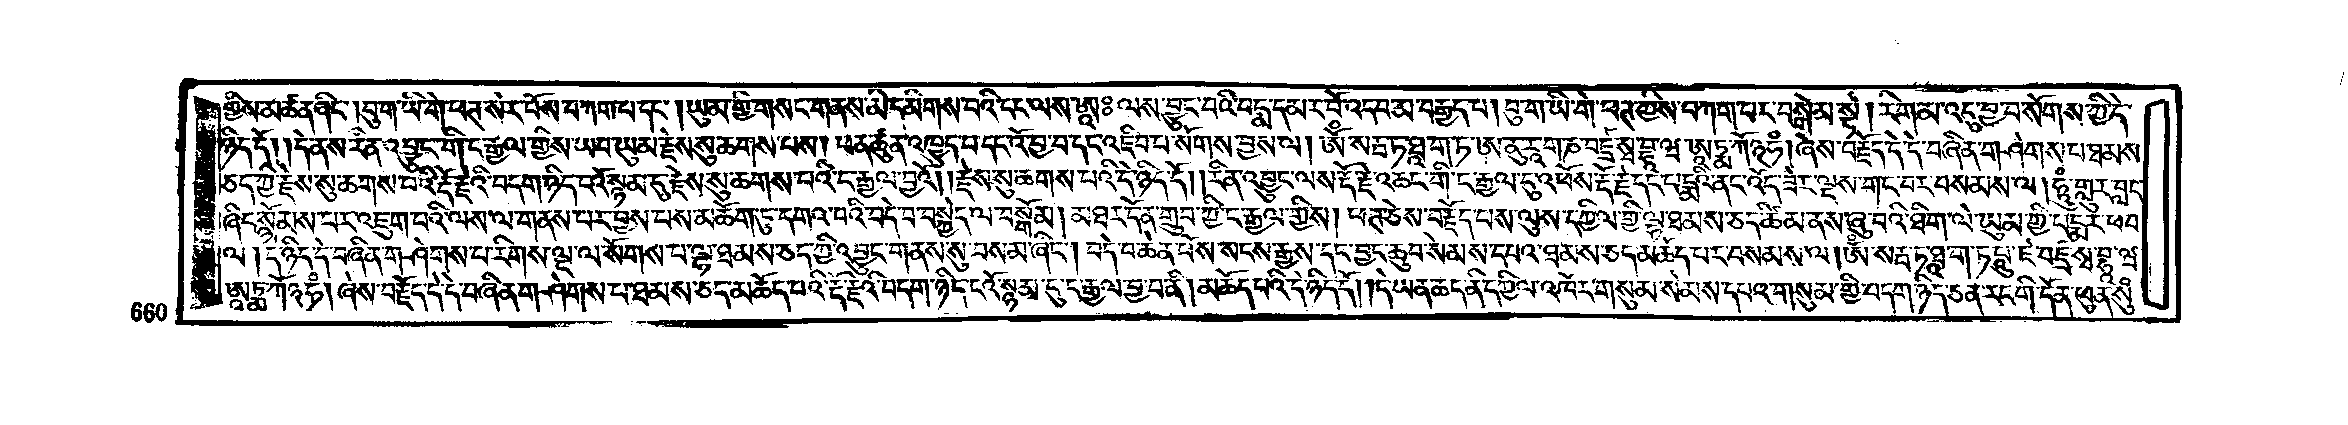གྱིས་མཚན་ཞིང་། བུ་ག་ཡི་གེ་ཕཊ་སེར་པོས་བཀག་པ་དང་། ཡུམ་གྱི་གསང་གནས་མི་དམིགས་པའི་ངང་ལས་ཨཱཿ ལས་བྱུང་བའི་པདམ་དམར་པོ་འདབ་མ་བརྒྱད་པ། བུ་ག་ཡི་གེ་ཕཊ་ཀྱིས་བཀག་པར་བསྒོམ་སྟེ། རིག་མ་འདུ་བྱ་བ་སོགས་ཀྱི་དེ་
ཉིད་དོ། །དེ་ནས་རིན་འབྱུང་གི་ང་རྒྱལ་གྱིས་ཡབ་ཡུམ་རྗེས་སུ་ཆགས་པས། ཕན་ཚུན་འཁྱུད་པ་དང་འོ་བྱ་བ་དང་འཇིབ་པ་སོགས་བྱས་ལ། ཨོཾ་སརྦ་ཏ་ཐཱ་ག་ཏ་ཨ་ནུ་རཱ་ག་ཎ་བཛྲ་སྭ་བྷཱ་ཝ་ཨཱཏྨ་ཀོཉཧཾ། ཞེས་བརྗོད་དེ་དེ་བཞིན་གཤེགས་པ་ཐམས་
ཅད་ཀྱི་རྗེས་སུ་ཆགས་པའི་རྡོ་རྗེའི་བདག་ཉིད་ངའོ་སྙམ་དུ་རྗེས་སུ་ཆགས་པའི་ང་རྒྱལ་བྱའོ། །རྗེས་སུ་ཆགས་པའི་དེ་ཉིད་དོ། །རིན་འབྱུང་ལས་རྡོ་རྗེ་འཆང་གི་ང་རྒྱལ་དུ་འཕོས་རྡོ་རྗེ་དང་པདམའི་ནང་འོད་ཟེར་ལྔས་གང་བར་བསམས་ལ། ཧཱུཾ་གླུར་བླང་
ཞིང་སྙོམས་པར་འཇུག་པའི་ལས་ལ་གནས་པར་བྱས་པས་མཆོག་ཏུ་དགའ་བའི་བདེ་བ་བསྐྱེད་ལ་བསྒོམ། མཐར་དོན་གྲུབ་ཀྱི་ང་རྒྱལ་གྱིས། ཕཊ་ཅེས་བརྗོད་པས་ལུས་དཀྱིལ་གྱི་ལྷ་ཐམས་ཅད་ཚིམ་ནས་ཞུ་བའི་ཐིག་ལེ་ཡུམ་གྱི་པདམ་ར་ཕབ་
ལ། དེ་ཉིད་དེ་བཞིན་གཤེགས་པ་རིགས་ལྔ་ལ་སོགས་པ་ལྷ་ཐམས་ཅད་ཀྱི་འབྱུང་གནས་སུ་བསམ་ཞིང་། བདེ་བ་ཆེན་པོས་སངས་རྒྱས་དང་བྱང་ཆུབ་སེམས་དཔའ་ཐམས་ཅད་མཆོད་པར་བསམས་ལ། ཨོཾ་སརྦ་ཏ་ཐཱ་ག་ཏ་པཱུ་ཇ་བཛྲ་སྭ་བྷཱ་ཝ་
ཨཱཏྨ་ཀོཉཧཾ། ཞེས་བརྗོད་དེ་དེ་བཞིན་གཤེགས་པ་ཐམས་ཅད་མཆོད་པའི་རྡོ་རྗེའི་བདག་ཉིད་ངའོ་སྙམ་དུ་ང་རྒྱལ་བྱ་བ་ནི། མཆོད་པའི་དེ་ཉིད་དོ། །དེ་ཡན་ཆད་ནི་དཀྱིལ་འཁོར་གསུམ་སེམས་དཔའ་གསུམ་གྱི་བདག་ཉིད་ཅན་རང་གི་དོན་ཕུན་སུམ་